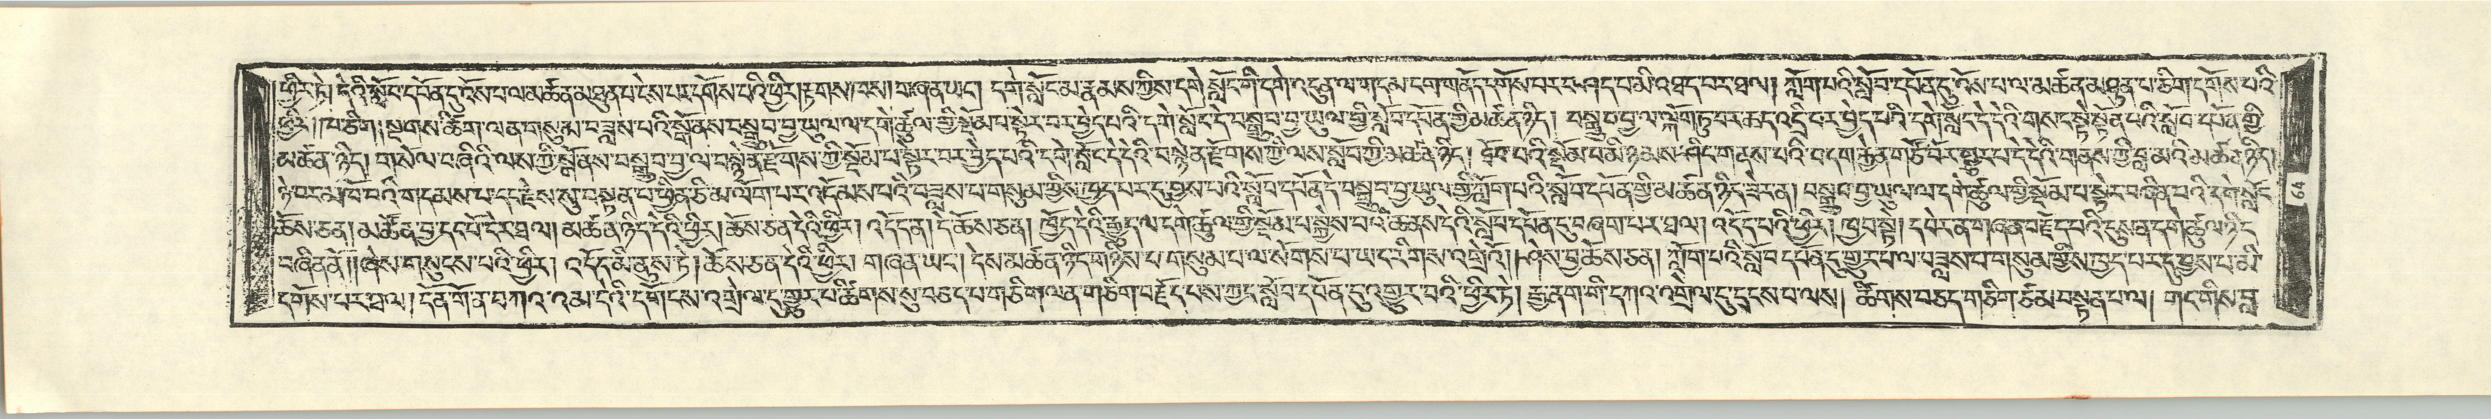ཕྱིར་ཏེ། དེའི་སློབ་དཔོན་དུ་འོས་པ་ལ་མཚན་མཐུན་པ་ངེས་པར་དགོས་པའི་ཕྱིར། རྟགས་ཁས། གཞན་ཡང་། དགེ་སློང་མ་རྣམས་ཀྱིས་དགེ་སློང་གི་དགེ་འདུན་ལ་གདམ་ངག་གནོད་དགོས་པར་བཤད་པ་མི་འཐད་པར་ཐལ། ཀློག་པའི་སློབ་དཔོན་དུ་འོས་པ་ལ་མཚན་མཐུན་པ་ཅིག་དགོས་པའི་
ཕྱིར། ཁ་ཅིག །སྔགས་ཚིག་ལན་གསུམ་བཟླས་པའི་སྒོ་ནས་བསྒྲུབ་བྱ་ཡུལ་ལ་དགེ་ཚུལ་གྱི་སྡོམ་པ་སྟེར་བར་བྱེད་པའི་དགེ་སློང་དེ་བསྒྲུབ་བྱ་ཡུལ་གྱི་སློབ་དཔོན་གྱི་མཚན་ཉིད། བསྒྲུབ་བྱ་ལ་ལྐོག་ཏུ་བར་ཆད་འདྲི་བར་བྱེད་པའི་དགེ་སློང་དེ་དེའི་གསང་སྟེ་སྟོན་པའི་སློབ་དཔོན་གྱི་
མཚན་ཉིད། གསོལ་བཞིའི་ལས་ཀྱི་སྒོ་ནས་བསྒྲུབ་བྱ་ལ་བསྙེན་རྫོགས་ཀྱི་སྡོམ་པ་སྟེར་བར་བྱེད་པའི་དགེ་སློང་དེ་དེའི་བསྙེན་རྫོགས་ཀྱི་ལས་སློབ་ཀྱི་མཚན་ཉིད། ཐོབ་པའི་སྡོམ་པ་མི་ཉམས་ཤིང་གནས་པའི་བདག་རྐྱེན་གཙོ་བོར་གྱུར་པ་དེ་དེའི་གནས་ཀྱི་བླ་མའི་མཚན་ཉིད།
ཉེ་བར་མཁོ་བའི་གདམས་པ་དང་རྗེས་སུ་བསྟན་པ་ཕྱིན་ཅི་མ་ལོག་པར་འདོམས་པའི་བཟླས་པ་གསུམ་གྱིས་ཁྱད་པར་དུ་བྱས་པའི་སློབ་དཔོན་དེ་བསྒྲུབ་བྱ་ཡུལ་གྱི་ཀློག་པའི་སློབ་དཔོན་གྱི་མཚན་ཉིད་ཟེར་ན། བསྒྲུབ་བྱ་ཡུལ་ལ་དགེ་ཚུལ་གྱི་སྡོམ་པ་སྟེར་བཞིན་པའི་དགེ་སློང་
ཆོས་ཅན། མཚོན་བྱ་དང་པོ་དེར་ཐལ། མཚན་ཉིད་དེའི་ཕྱིར། ཆོས་ཅན་དེའི་ཕྱིར། འདོད་ན། དེ་ཆོས་ཅན། ཁྱོད་དེའི་རྒྱུད་ལ་དགེ་ཚུལ་གྱི་སྡོམ་པ་སྐྱེས་པའི་ཆ་ནས་དེའི་སློབ་དཔོན་དུ་བཞག་པར་ཐལ། འདོད་པའི་ཕྱིར། ཁྱབ་སྟེ། དཔེར་ན་གཞན་བརྗོད་པའི་དུས་ན་དགེ་ཚུལ་ཉིད་
བཞིན་ནོ། །ཞེས་གསུངས་པའི་ཕྱིར། འདོད་མི་ནུས་ཏེ། ཆོས་ཅན་དེའི་ཕྱིར། གཞན་ཡང་། དེས་མཚན་ཉིད་གཉིས་པ་གསུམ་པ་ལ་སོགས་པ་ཡང་རིགས་འགྲེའོ། །ཤེས་བྱ་ཆོས་ཅན། ཀློག་པའི་སློབ་དཔོན་དུ་གྱུར་པ་ལ་བཟླས་པ་གསུམ་གྱིས་ཁྱད་པར་དུ་བྱས་པ་མི་
དགོས་པར་ཐལ། དོན་གོ་ན་བཀའ་འམ་དེའི་དགོངས་འགྲེལ་དུ་གྱུར་པ་ཚིགས་སུ་བཅད་པ་གཅིག་ལན་གཅིག་བརྗོད་པས་ཀྱང་སློབ་དཔོན་དུ་འགྱུར་བའི་ཕྱིར་ཏེ། རྒྱ་ནག་གི་དཀའ་འགྲེལ་དུ་དྲངས་པ་ལས། ཚིགས་བཅད་གཅིག་ཙམ་བསྟན་པ་ལ། གང་གིས་བླ་